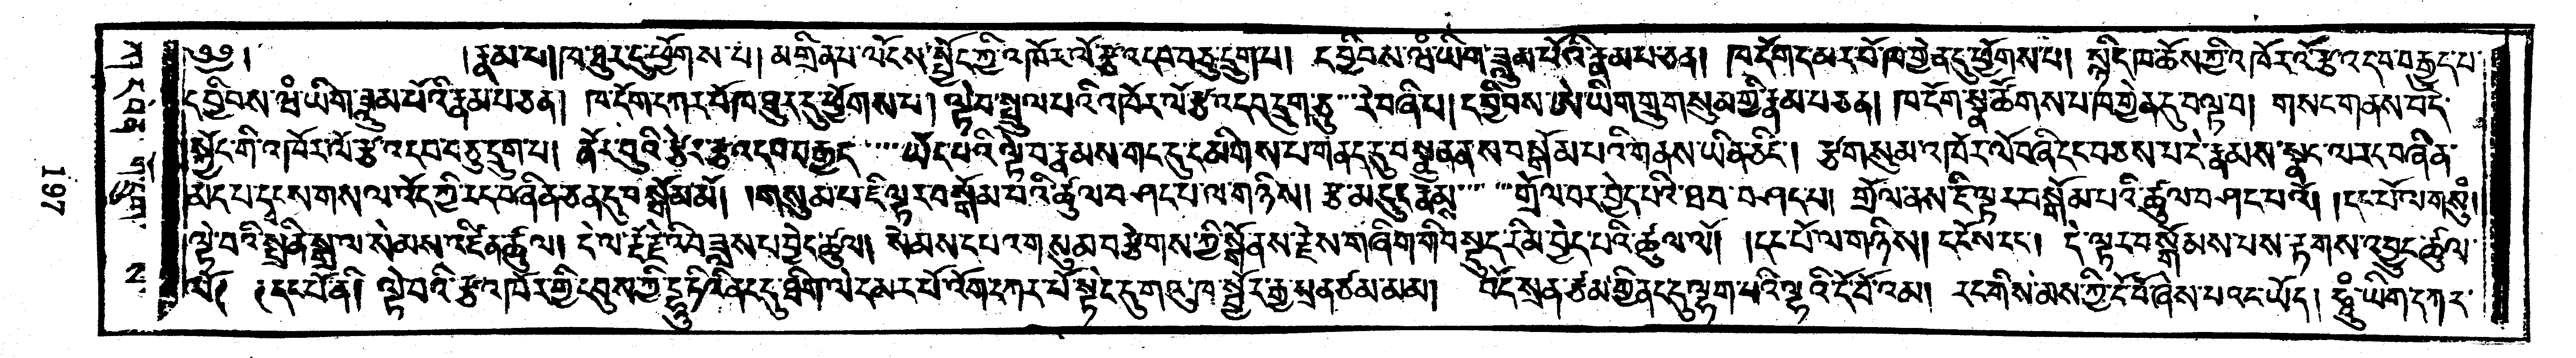༄༅། །རྣམ་པ། ཁ་ཐུར་དུ་ཕྱོགས་པ། མགྲིན་པ་ལོངས་སྤྱོད་ཀྱི་འཁོར་ལོ་རྩ་འདབ་བཅུ་དྲུག་པ། དབྱིབས་ཝཾ་ཡིག་ཟླུམ་པོའི་རྣམ་པ་ཅན། ཁ་དོག་དམར་པོ་ཁ་གྱེན་དུ་ཕྱོགས་པ། སྙིང་ཁ་ཆོས་ཀྱི་འཁོར་འོ་རྩ་འདབ་བརྒྱུད་པ་
དབྱིབས་ཝཾ་ཡིག་ཟླུམ་པོའི་རྣམ་པ་ཅན། ཁ་དོག་དཀར་པོ་ཁ་ཐུར་དུ་ཕྱོགས་པ། ལྟེ་བ་སྤྲུལ་པའི་འཁོར་ལོ་རྩ་འདབ་དྲུག་ཅུ་རེ་བཞི་པ། དབྱིབས་ཨེ་ཡིག་གྲུ་གསུམ་གྱི་རྣམ་པ་ཅན། ཁ་དོག་སྣ་ཚོགས་པ་ཁ་གྱེན་དུ་བལྟ་བ། གསང་གནས་བདེ་
སྐྱོང་གི་འཁོར་ལོ་རྩ་འདབ་བཅུ་དྲུག་པ། ནོར་བུའི་རྩེར་རྩ་འདབ་བརྒྱད་ཡོད་པའི་ལྟེ་བ་རྣམས་གང་དུ་དམིགས་པ་གནད་དུ་བསྣུན་ནས་བསྒོམ་པའི་གནས་ཡིན་ཅིང་། རྩ་གསུམ་འཁོར་ལོ་བཞི་དང་བཅས་པ་དེ་རྣམས་སྣང་ལ་རང་བཞིན་
མད་པ་དྭངས་གསལ་འོད་ཀྱི་རང་བཞིན་ཅན་དུ་བསྒོམ་མོ། །གསུམ་པ་ཇི་ལྟར་བསྒོམ་པའི་ཚུལ་བཤད་པ་ལ་གཉིས། རྩ་མདུང་རྣམས་གྲོལ་བར་བྱེད་པའི་ཐབ་བཤད་པ། གྲོལ་ནས་ཇི་ལྟར་བསྒོམ་པའི་ཚུལ་བཤད་པའོ། །དང་པོ་ལ་གསུཾ།
ལྟེ་བའི་སྤྲིན་སྒྲ་ལ་སེམས་འཛིན་ཚུལ། དེ་ལ་རྡོ་རྗེའི་བཟླས་པ་བྱེད་ཚུལ། སེམས་དཔའ་གསུམ་བརྩེགས་ཀྱི་སྒོ་ནས་རྗེས་གཞིག་གི་བསྡུད་རིམ་བྱེད་པའི་ཚུལ་ལོ། །དང་པོ་ལ་གཉིས། དངོས་དང་། དེ་ལྟར་བསྒོམས་པས་རྟགས་འབྱུང་ཚུལ་
ལོ༑ ༑དང་པོ་ནི། ལྟེ་བའི་རྩ་འཁོར་གྱི་དབུས་ཀྱི་དྷཱུ་ཏིའི་ནང་དུ་ཐིག་ལེ་དམར་པོ་འོག་དཀར་པོ་སྟེང་དུ་གའུ་ཁ་སྦྱོར་རྒྱ་སྲན་ཙམ་མམ། བོད་སྲན་ཙམ་གྱི་ནང་དུ་ལྷག་པའི་ལྷའི་ངོ་བོ་འམ། རང་གི་སེམས་ཀྱི་ངོ་བོ་ཞེས་པའང་ཡོད། ཧཱུཾ་ཡིག་དཀར་